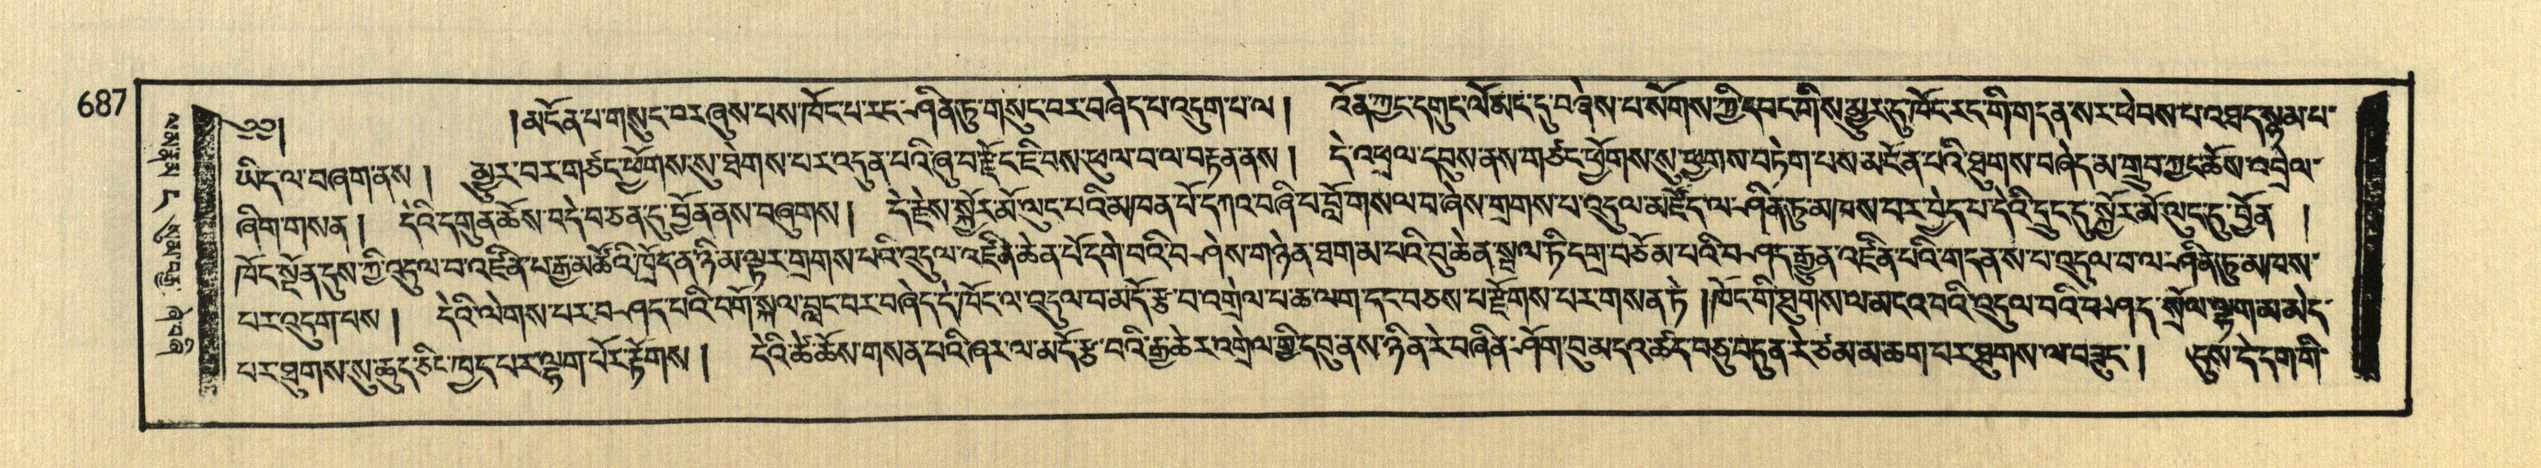༄༅། །མངོན་པ་གསུང་བར་ཞུས་པས་ཁོང་པ་རང་ཤིན་ཏུ་གསུང་བར་བཞེད་པ་འདུག་པ་ལ། འོན་ཀྱང་དགུང་ལོ་མང་དུ་བཞེས་པ་སོགས་ཀྱི་དབང་གིས་མྱུར་དུ་ཁོང་རང་གི་གདན་སར་ཕེབས་པ་འཐད་སྙམ་པ་
ཡིད་ལ་བཞག་ནས། མྱུར་བར་གཙང་ཕྱོགས་སུ་ཐེགས་པར་འདུན་པའི་ཞུ་བ་རྫོང་ཇི་བས་ཕུལ་བ་ལ་བརྟན་ནས། དེ་འཕྲལ་དབུས་ནས་གཙང་ཕྱོགས་སུ་ཕྱག་བཏེག་པས་མངོན་པའི་ཐུགས་བཞེད་མ་གྲུབ་ཀྱང་ཆོས་འབྲེལ་
ཞིག་གསན། དེའི་དགུན་ཆོས་བདེ་བ་ཅན་དུ་བྱོན་ནས་བཞུགས། དེ་རྗེས་སྐྱོར་མོ་ལུང་པའི་མཁན་པོ་དཀའ་བཞི་པ་བློ་གསལ་བ་ཞེས་གྲགས་པ་འདུལ་མཛད་ལ་ཤིན་ཏུ་མཁས་པར་བྱེད་པ་དེའི་དྲུང་དུ་སྐྱོར་མོ་ལུང་དུ་བྱོན།
ཁོང་སྔོན་དུས་ཀྱི་འདུལ་བ་འཛིན་པ་རྒྱ་མཚོའི་ཁྲོད་ན་ཉི་མ་ལྟར་གྲགས་པའི་འདུལ་འཛིན་ཆེན་པོ་དགེ་བའི་བཤེས་གཉེན་ཐག་མ་པའི་བུ་ཆེན་སྦལ་ཏི་དགྲ་བཅོམ་པའི་བཤད་རྒྱུན་འཛིན་པའི་གདན་ས་འདུལ་བ་ལ་ཤིན་ཏུ་མཁས་
པར་འདུག་པས། དེའི་ལེགས་པར་བཤད་པའི་བོག་སྐལ་བླང་བར་བཞེད་དེ་ཁོང་ལ་འདུལ་བ་མདོ་རྩ་བ་འགྲེལ་པ་ཆ་ལག་དང་བཅས་པ་རྫོགས་པར་གསན་ཏེ་།ཁོང་གི་ཐུགས་ལ་མངའ་བའི་འདུལ་བའི་བཤད་སྲོལ་ལྷག་མ་མེད་
པར་ཐུགས་སུ་ཆུད་ཅིང་ཁྱད་པར་ལྷག་པོར་རྟོགས། དེའི་ཚེ་ཆོས་གསན་པའི་ཞར་ལ་མདོ་རྩ་བའི་རྒྱ་ཆེར་འགྲེལ་གྱི་དབུ་ནས་ཉིན་རེ་བཞིན་ཤོག་བུ་མདའ་ཚད་བཅུ་བདུན་རེ་ཙམ་མ་ཆག་པར་ཐུགས་ལ་བཟུང་། དུས་དེ་དག་གི་